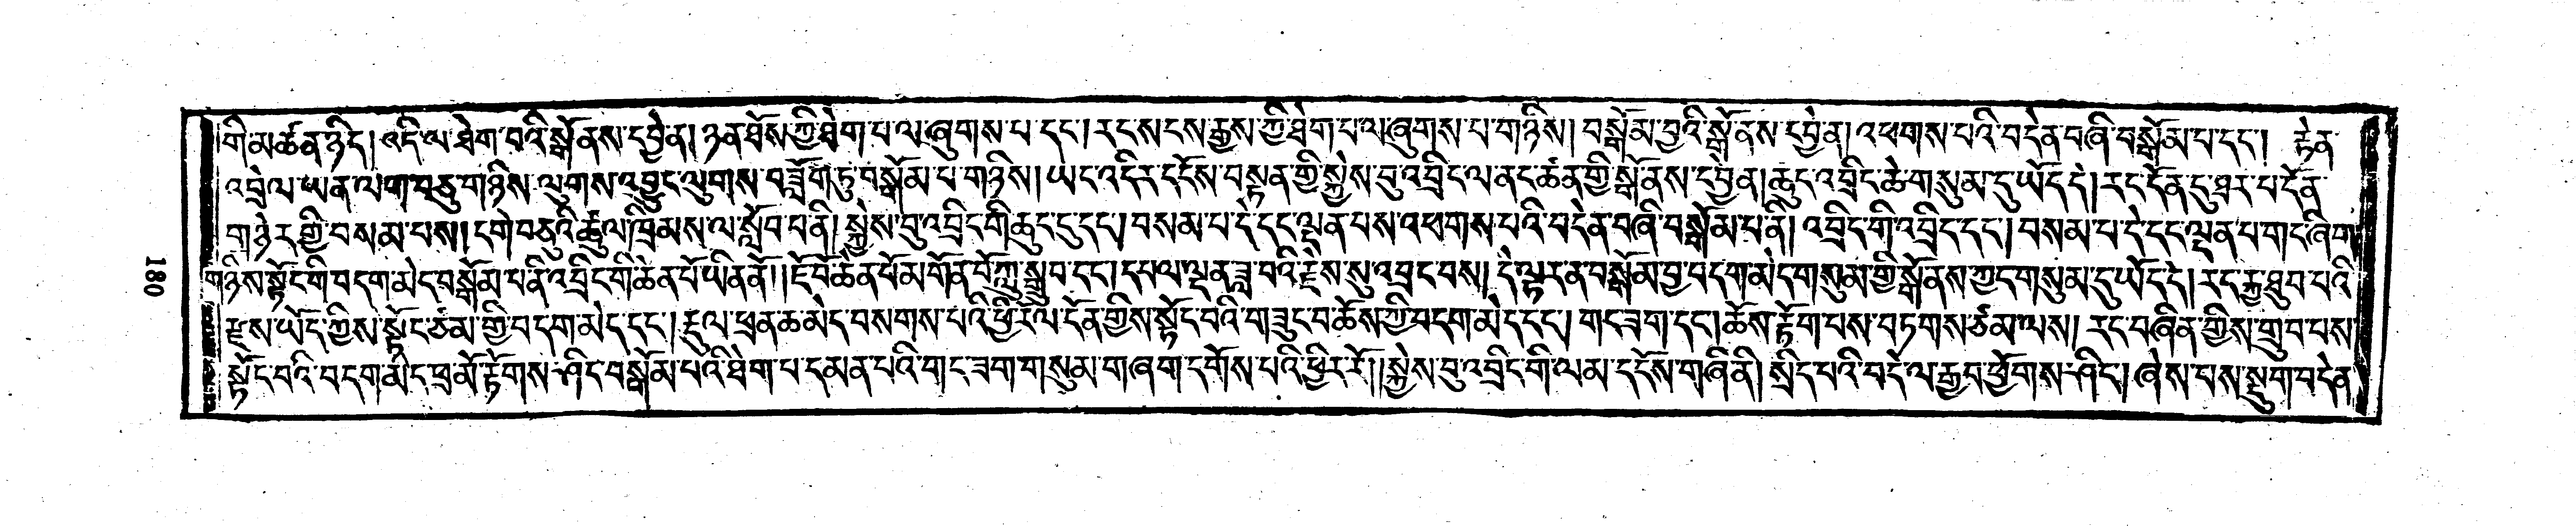གི་མཚན་ཉིད། འདི་ལ་ཐེག་པའི་སྒོ་ནས་དབྱེ་ན། ཉན་ཐོས་ཀྱི་ཐེག་པ་ལ་ཞུགས་པ་དང་། རང་སངས་རྒྱས་ཀྱི་ཐེག་པ་ལ་ཞུགས་པ་གཉིས། བསྒོམ་བྱའི་སྒོ་ནས་དབྱེ་ན། འཕགས་པའི་བདེན་བཞི་བསྒོམ་པ་དང་། རྟེན་
འབྲེལ་ཡན་ལག་བཅུ་གཉིས་ལུགས་འབྱུང་ལུགས་བཟློག་ཏུ་བསྒོམ་པ་གཉིས། ཡང་འདིར་དངོས་བསྟན་གྱི་སྐྱེས་བུ་འབྲིང་ལ་ནང་ཚན་གྱི་སྒོ་ནས་དབྱེ་ན། ཆུང་འབྲིང་ཆེ་གསུམ་དུ་ཡོད་དེ། རང་དོན་དུ་ཐར་པ་དོན་
གཉེར་གྱི་བསམ་པས། དགེ་བཅུའི་ཚུལ་ཁྲིམས་ལ་སློབ་པ་ནི། སྐྱེས་བུ་འབྲིང་གི་ཆུང་ངུ་དང་། བསམ་པ་དེ་དང་ལྡན་པས་འཕགས་པའི་བདེན་བཞི་བསྒོམ་པ་ནི། འབྲིང་གི་འབྲིང་དང་། བསམ་པ་དེ་དང་ལྡན་པ་གང་ཞིག །
གཉིས་སྟོང་གི་བདག་མེད་བསྒོམ་པ་ནི་འབྲིང་གི་ཆེན་པོ་ཡིན་ནོ། །ཇོ་བོ་ཆེན་པོ་མགོན་པོ་ཀླུ་སྒྲུབ་དང་། དཔལ་ལྡན་ཟླ་བའི་རྗེས་སུ་འབྲང་བས། དེ་ལྟར་ན་བསྒོམ་བྱ་བདག་མེད་གསུམ་གྱི་སྒོ་ནས་ཀྱང་གསུམ་དུ་ཡོད་དེ། རང་རྒྱ་ཐུབ་པའི་
རྫས་ཡོད་ཀྱིས་སྟོང་ཙམ་གྱི་བདག་མེད་དང་། རྡུལ་ཕྲན་ཆ་མེད་བསགས་པའི་ཕྱི་རོལ་དོན་གྱིས་སྟོང་པའི་གཟུང་བ་ཆོས་ཀྱི་བདག་མེད་དང་། གང་ཟག་དང་། ཆོས་རྟོག་པས་བཏགས་ཙམ་ལས། རང་བཞིན་གྱིས་གྲུབ་པས་
སྟོང་པའི་བདག་མེད་ཕྲ་མོ་རྟོགས་ཤིང་བསྒོམ་པའི་ཐེག་པ་དམན་པའི་གང་ཟག་གསུམ་གཞག་དགོས་པའི་ཕྱིར་རོ། །སྐྱེས་བུ་འབྲིང་གི་ལམ་དངོས་གཞི་ནི། སྲིད་པའི་བདེ་ལ་རྒྱབ་ཕྱོགས་ཤིང་། ཞེས་པས་སྡུག་བདེན་